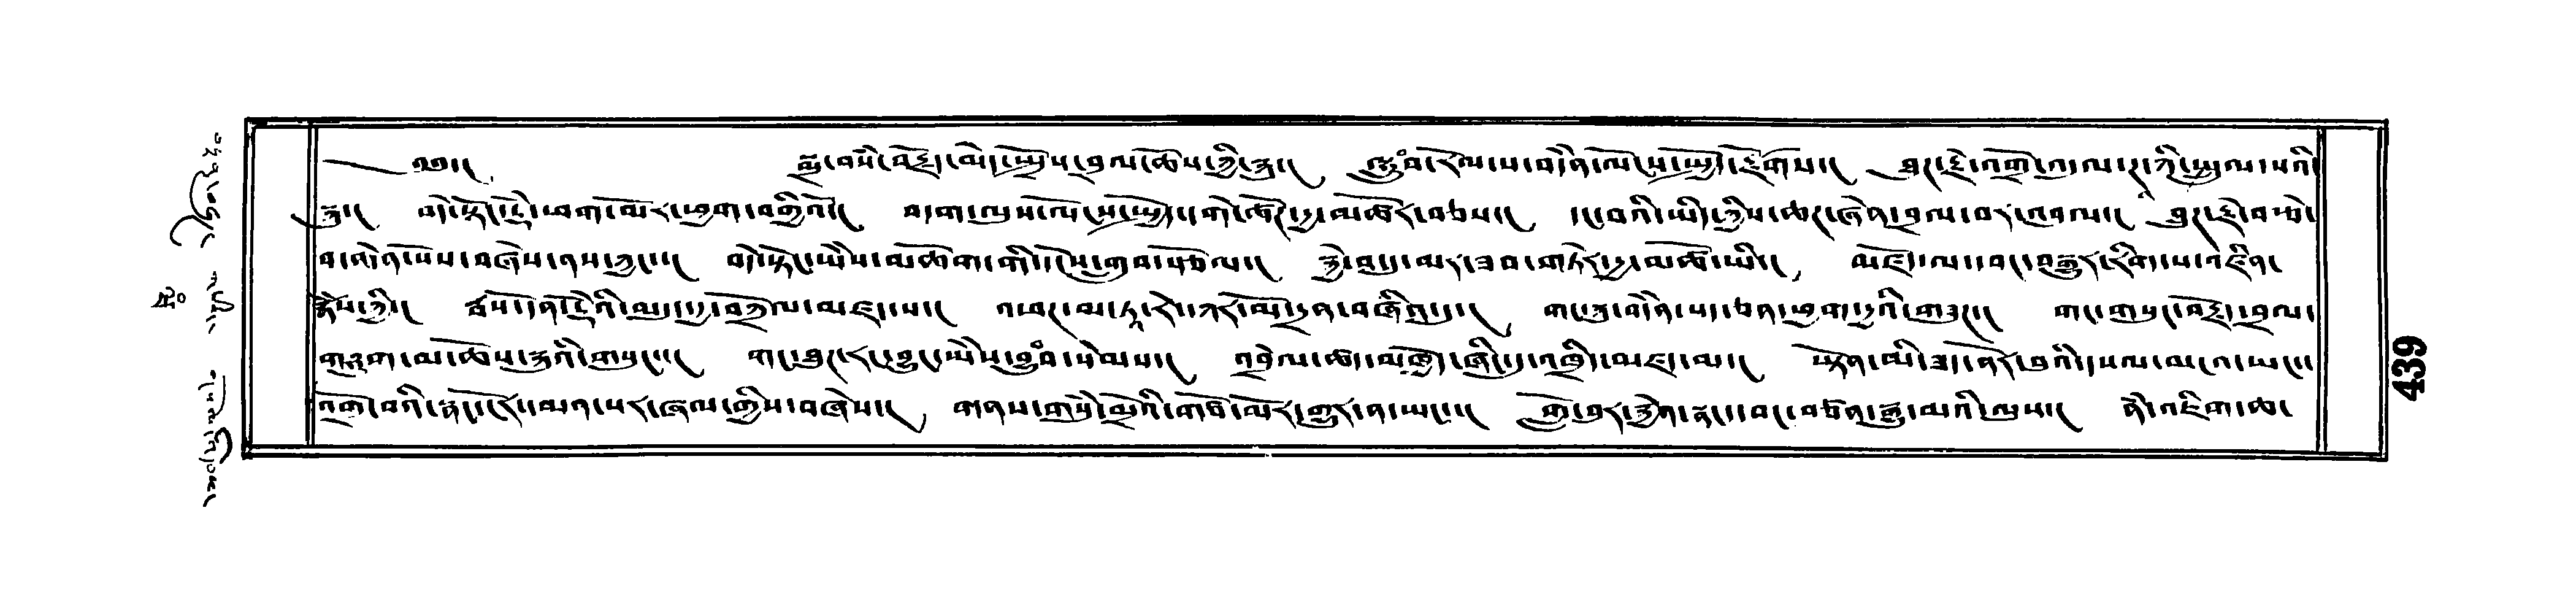སྨྲ་བསམ་བརྗོད་མེད་སྤྲོས་བྲལ་ཆོས་ཀྱི་སྐུ། །ལྷུན་གྲུབ་རོལ་བ་བདེ་ཆེན་ལོངས་སྤྱོད་རྫོགས། །ཐུགས་རྗེ་འགྲོ་འདུལ་ཌཱ་ཀི་སྤྲུལ་པའི་
སྐུ། །བདེ་སྟོང་རྡོ་རྗེ་ཕག་མོར་ཕྱག་བགྱིའོ། །བདག་ལུས་ལོངས་སྤྱོད་དགེ་ཚོགས་རྒྱ་མཚོར་བཅས། །དང་བའི་ཡིད་ཀྱིས་ཆགས་ཞེན་བྲལ་བར་འབུལ། །ཐུགས་རྗེ་བརྩེ་
བ་ཆེན་པོས་བཞེས་ནས་ཀྱང་། །བདེ་སྟོང་ཡེ་ཤེས་མཆོག་གི་དངོས་གྲུབ་སྩོལ། །སྐྱེ་བ་དུ་མར་ཟབ་གཏེར་རྒྱ་མཚོ་ཡི། །མཛོད་ལ་དབང་བསྒྱུར་རིག་པ་འཛིན་
རྣམས་ཀྱི། སྦས་དོན་རྡོ་རྗེའི་མདུད་རྒྱ་བཀྲོལ་མཛད་པ། །འཕགས་མ་ཏཱ་རེ་དཀར་མོ་དྲན་བཞིན་དུ། །གང་སྐུ་བདེ་ཆེན་པད་ཅན་ཕྱག་རྒྱའི་གཟུགས། །གང་གསུང་བརྗོད་བྲལ་
གཉུག་མ་ཆོས་སྐུའི་གསུང་། །གང་ཐུགས་རང་བྱུང་ཡེ་ཤེས་བྱང་ཆུབ་སེམས། །འབྲེལ་ཚད་མཁའ་སྤྱཽད་ཞིང་དུ་འཁྲིད་མཛད་མ། །ཡོན་ཏན་མི་ཟད་ནོར་བུའི་དཔལ་མངའ་ཡང་། །
འགྲོ་བའི་སྣང་ངོར་དམན་པར་ཞལ་གྱིས་བཞེས། །གནས་གསུམ་མཁའ་འགྲོའི་གཙོ་མོར་གྱུར་ན་ཡང་། །གློ་བུར་རྐྱེན་སྣང་དབང་བཙན་སྒྱུ་མའི་ལུས། །ནམ་འཇིག་ཆ་